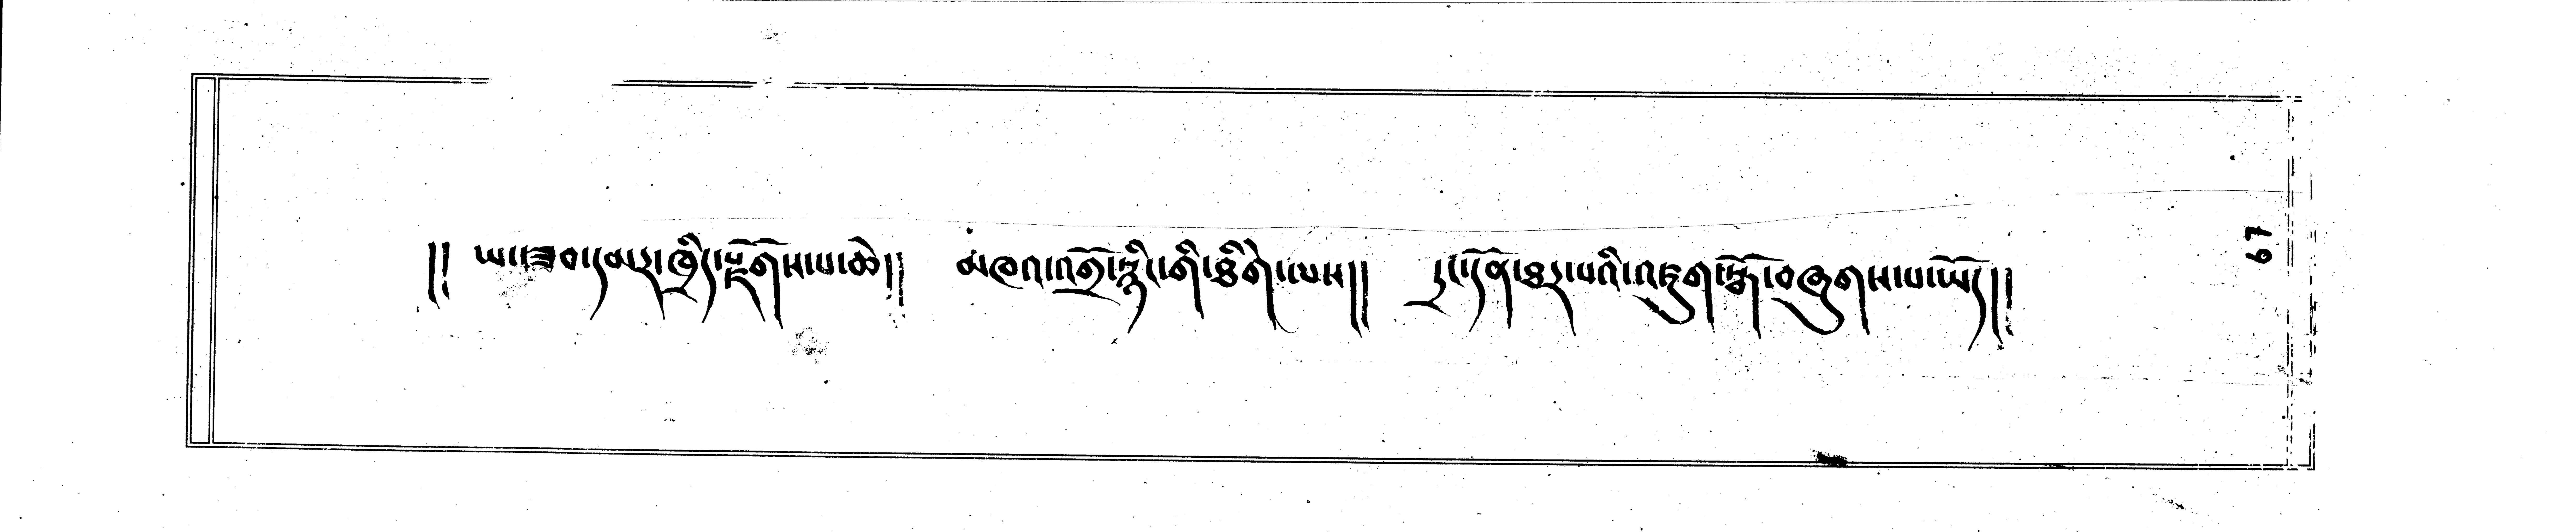ཡང་ཟབ་དམར་ཁྲིད་རྫོགས་པ་ཆེ། མཁའ་འགྲོ་སྙིང་གི་ཐིག་ལེ་ལས། དྲང་དོན་ཐར་པའི་འཇུག་སྒོ་བཞུགས་པ་ཡོད། །